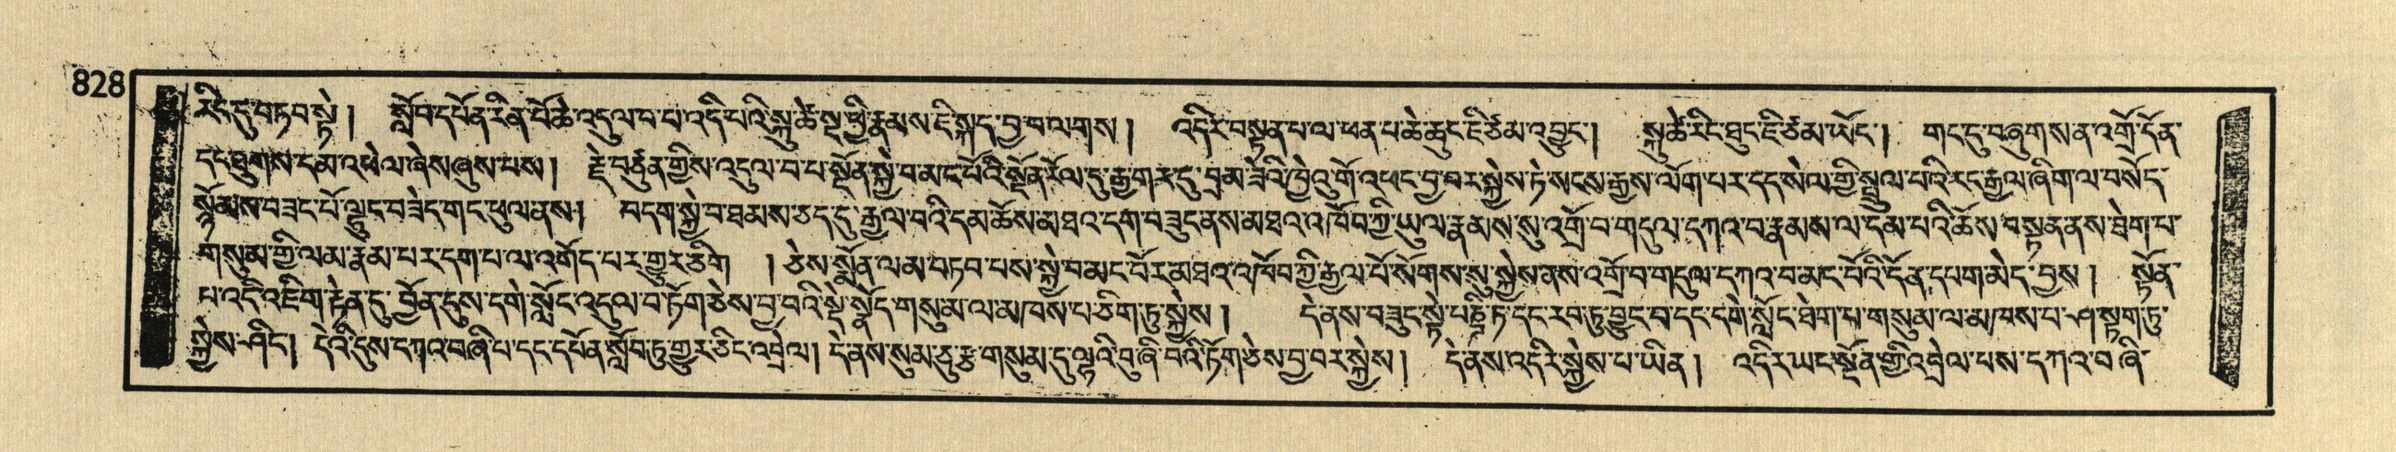རིང་དུ་བཏབ་སྟེ། སློབ་དཔོན་རིན་པོ་ཆེ་འདུལ་བ་པ་འདི་པའི་སྐུ་ཚེ་སྔ་ཕྱི་རྣམས་ཇི་སྐད་བྱ་བ་ལགས། འདིར་བསྟན་པ་ལ་ཕན་པ་ཆེ་ཆུང་ཇི་ཙམ་འབྱུང་། སྐུ་ཚེ་རིང་ཐུང་ཇི་ཙམ་ཡོང་། གང་དུ་བཞུགས་ན་འགྲོ་དོན་
དང་ཐུགས་དམ་འཕེལ་ཞེས་ཞུས་པས། རྗེ་བཙུན་གྱིས་འདུལ་བ་པ་སྔོན་སྐྱེ་བ་མང་པོའི་སྔོན་རོལ་དུ་རྒྱ་གར་དུ་བྲམ་ཟེའི་ཁྱེའུ་གོ་འཕང་བྱ་བར་སྐྱེས་ཏེ་སངས་རྒྱས་ལོག་པར་དད་སེལ་གྱི་སྤྲུལ་པའི་རང་རྒྱལ་ཞིག་ལ་བསོད་
སྙོམས་བཟང་པོ་ལྷུང་བཟེད་གང་ཕུལ་ནས། བདག་སྐྱེ་བ་ཐམས་ཅད་དུ་རྒྱལ་བའི་དམ་ཆོས་མཐའ་དག་བཟུང་ནས་མཐའ་འཁོབ་ཀྱི་ཡུལ་རྣམས་སུ་འགྲོ་བ་གདུལ་དཀའ་བ་རྣམས་ལ་དམ་པའི་ཆོས་བསྟན་ནས་ཐེག་པ་
གསུམ་གྱི་ལམ་རྣམ་པར་དག་པ་ལ་འགོད་པར་གྱུར་ཅིག །ཅེས་སྨོན་ལམ་བཏབ་པས་སྐྱེ་བ་མང་བོར་མཐའ་འཁོབ་ཀྱི་རྒྱལ་པོ་སོགས་སུ་སྐྱེས་ནས་འགྲོ་བ་གདུལ་དཀའ་བ་མང་པོའི་དོན་དཔག་མེད་བྱས། སྟོན་
པ་འདི་འཇིག་རྟེན་དུ་བྱོན་དུས་དགེ་སློང་འདུལ་བ་ཏོག་ཅེས་བྱ་བའི་སྡེ་སྣོད་གསུམ་ལ་མཁས་པ་ཅིག་ཏུ་སྐྱེས། དེ་ནས་བཟུང་སྟེ་པཎྜི་ཏ་དང་རབ་ཏུ་བྱུང་བ་དང་དགེ་སློང་ཐེག་པ་གསུམ་ལ་མཁས་པ་ཤ་སྟག་ཏུ་
སྐྱེས་ཤིང་། དེའི་དུས་དཀའ་བཞི་པ་དང་དཔོན་སློབ་ཏུ་གྱུར་ཅིང་འབྲེལ། དེ་ནས་སུམ་ཅུ་རྩ་གསུམ་དུ་ལྷའི་བུ་ཞི་བའི་ཏོག་ཅེས་བྱ་བར་སྐྱེས། དེ་ནས་འདིར་སྐྱེས་པ་ཡིན། འདིར་ཡང་སྔོན་གྱི་འབྲེལ་པས་དཀའ་བཞི་